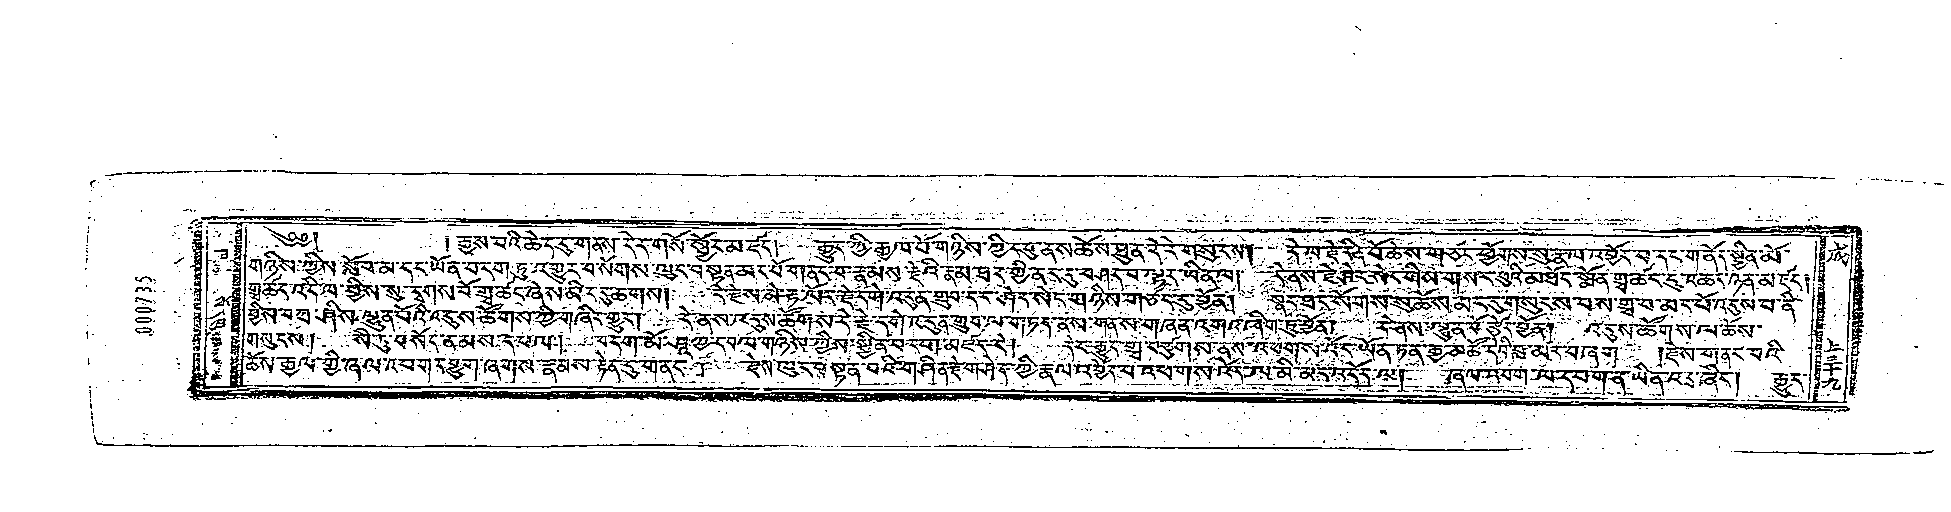༄༅། །རྒྱས་པའི་ཆེད་དུ་གནས་དེར་གསོ་སྦྱོང་མཛད། རྒྱུད་ཀྱི་རྒྱལ་པོ་གཉིས་ཀྱི་དབུ་ནས་ཆོས་ཐུན་རེ་རེ་གསུངས། དེ་ལ་རྗེ་རིན་པོ་ཆེས་གཙང་ཕྱོགས་སུ་རྣལ་འབྱོར་པ་དང་གནོད་སྦྱིན་མོ་
གཉིས་ཀྱིས་སློབ་མ་དང་ཡོན་བདག་ཏུ་འགྱུར་བ་སོགས་ལུང་བསྟན་མང་པོ་གནང་བ་རྣམས་རྗེའི་རྣམ་ཐར་གྱི་ནང་དུ་བཤད་པ་ལྟར་ཡིན་ལ། དེ་ནས་རྗེ་ཤེར་སེང་གིས་གསང་ཕུའི་མཐོང་སྨོན་གྲྭ་ཚང་དུ་འཆང་ཉན་མཛད།
གྲྭ་ཚང་འདི་ལ་ཕྱིས་སུ་དྭགས་བོ་གྲྭ་ཚང་ཞེས་མིང་དུ་ཆགས། དེ་རྗེས་མེ་རྟ་ལོར་རྗེ་དགེ་འདུན་གྲུབ་དང་ཤེར་སེང་གཉིས་གཙང་དུ་བྱོན། སྣར་ཐང་སོགས་སུ་ཆོས་མང་དུ་གསུངས་པས་གྲྭ་བ་མང་པོ་འདུས་པ་ནི་
ཕྱིས་བཀྲ་ཤིས་ལྷུན་པོའི་འདུས་ཚོགས་ཀྱི་གཞིར་གྱུར། དེ་ནས་འདུས་ཚོགས་དེ་རྗེ་དགེ་འདུན་གྲུབ་ལ་གཏད་ནས་གནས་གཞན་འགའ་ཞིག་ཏུ་བྱོན། དེ་ནས་ལྷུན་པོ་རྩེར་བྱོན། འདུས་ཚོགས་ལ་ཆོས་
གསུངས། སི་ཏུ་བསོད་ནམས་དཔལ། བདག་མོ་ཤཱཀྱ་དཔལ་གཉིས་ཀྱིས་སྦྱིན་བདག་མཛད་དེ། དེར་རྒྱུད་གྲྭ་བཙུགས་ནས་འཕགས་འོད་ཡོན་ཏན་རྒྱ་མཚོ་དེའི་བླ་མར་བཞག །རྗེས་གནང་བའི་
ཆོས་རྒྱལ་གྱི་ཞལ་འབག་དབྱུག་ཞགས་རྣམས་རྟེན་དུ་གནང་། རྗེས་ལུང་བསྟན་བའི་གཤིན་རྗེ་གཤེད་ཀྱི་རྣལ་འབྱོར་པ་འཕགས་འོད་ལ་མི་མང་འདོད་ལ། ཞལ་འབག་ལ་དཔག་ན་ཡིན་འདྲ་ཞིང་། རྒྱུད་